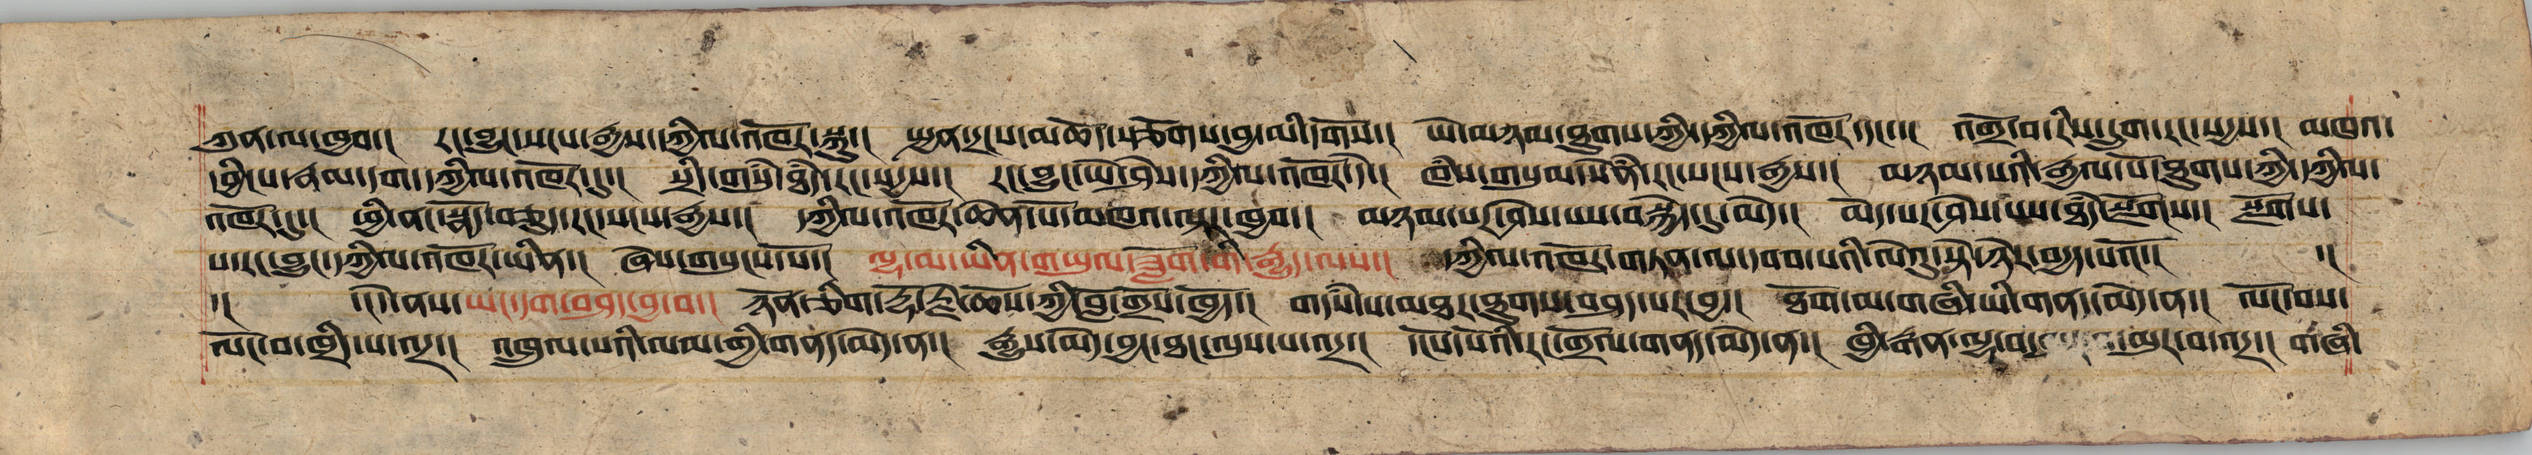ཀུན་ལ་ཁྱབ་། རང་བྱུང་སངས་རྒྱས་དཀྱིལ་འཁོར་སྐུ་། སྤྱན་དྲངས་མཆོད་སྩོགས་བྱ་མི་དགོས་། ཡེ་མཉམ་ཐུགས་ཀྱི་དཀྱིལ་འཁོར་དང་་། འགྲོ་བ་རིས་དྲུག་རང་སདྱས་། མཁའ་
དབྱིངས་རྣམ་དག་དཀྱིལ་འཁོར་དུ་། སྲིད་གསུཾ་ཐཾད་རང་སདྱས་། རང་བྱུང་ཡེ་ཤེས་དཀྱིལ་ཱཁོར་དེ་། ཁཾས་གསུམ་སེཾན་རང་སངས་རྒྱས་། མཉམ་པའི་རྒྱལ་པོ་ཐུགས་ཀྱི་དཀྱིལ་
འཁོར་དུ་། ཕྱི་ནང་སྣོད་བཅུད་རང་སངས་རྒྱས་། དཀྱིལ་འཁོར་ཆེན་པོ་མཁའ་ལྟར་ཁྱབ་། མཉམ་པར་ཤེས་པས་བསྐྱེད་དུ་མེད་། མེད་པར་ཤེས་པས་ཐཾད་སྫོགས་། སྫོགས་
པ་རང་བྱུང་དཀྱིལ་འཁོར་ཡིན་། ཞེས་གསུངས་སོ་། ལྷ་མ་ཡིན་གཡུལ་ཟློག་གི་རྒྱུད་ལས་། དཀྱིལ་འཁོར་གཏན་ལ་དབབ་པའི་ལེའུ་སྟེ་ཉེར་བདྱད་པའོ་། ་།
་། ་ངདེ་ནས་ཡང་དག་བཤད་བྱ་བ་། ཉོན་ཅིག་རྡོ་རྗེ་ཆོས་ཀྱི་བློ་གྲོས་ཁྱོད་། གདཾས་པ་མཐར་ཐུག་བཤད་པར་བྱ་། ཐོག་མ་གཞི་ཡི་གནད་མེད་ན་། ལོང་བས་
ལོང་བ་ཁྲིད་པ་འདྲ་། འཁྲུལ་པའི་ལམ་གྱི་གནད་མེད་ན་། རྒྱུས་མེད་བྱང་ཐང་ལུས་པ་འདྲ་། དངོས་པོའི་རང་གྲོལ་གནད་མེད་ན་། ཁྱི་རྒན་ལྷ་བ་མུར་བ་འདྲ་། གཞི་